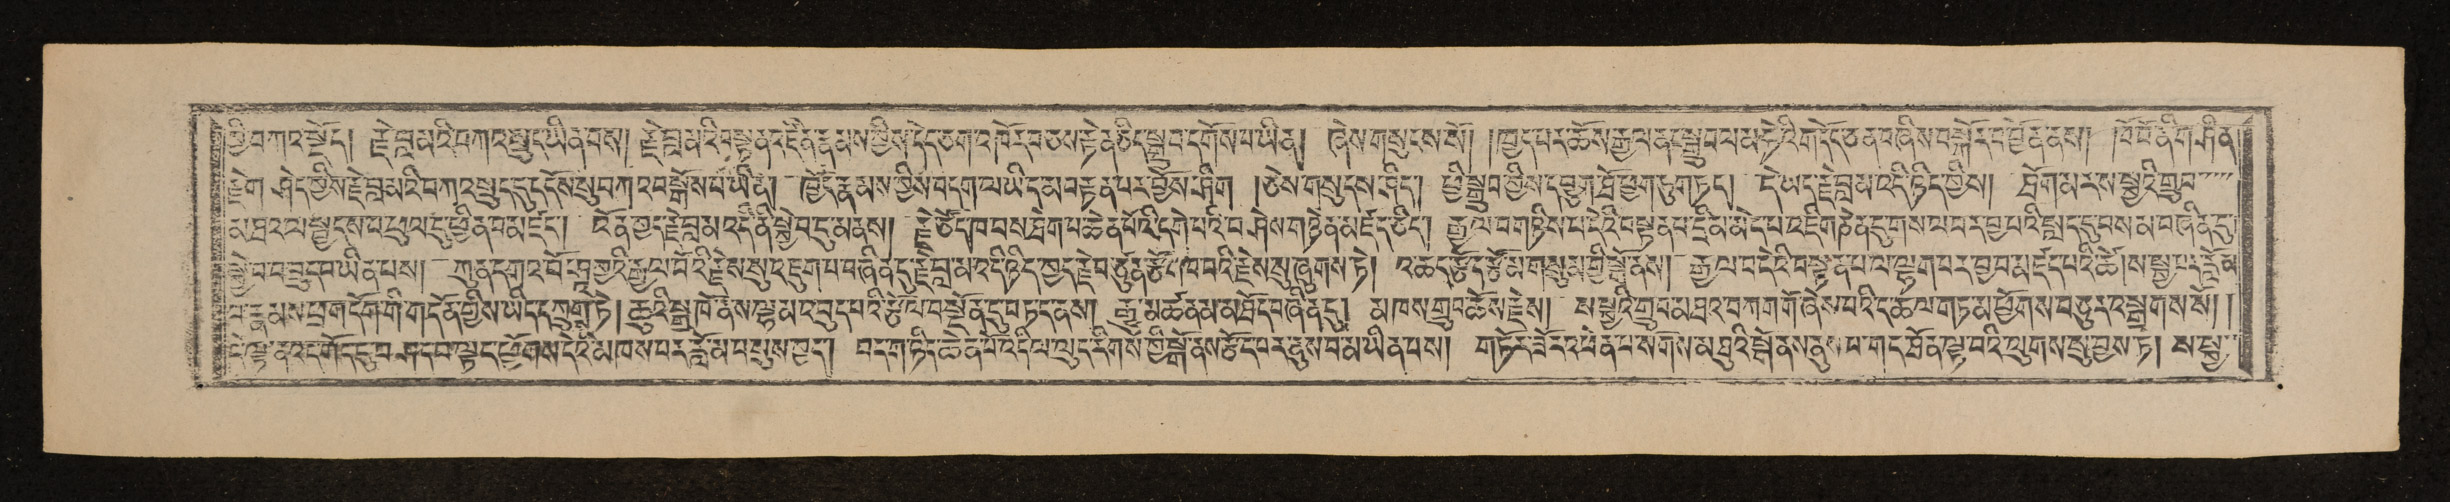ཀྱི་བཀའ་སྡོད། རྗེ་བླ་མའི་བཀའ་སྲུང་ཡིན་པས། རྗེ་བླ་མའི་བསྟན་འཛིན་རྣམས་ཀྱིས་ངེད་ཅག་འཁོར་བཅས་ཏེ་རྟེན་ཅིང་སྒྲུབ་དགོས་པ་ཡིན་།ཞེས་གསུངས་སོ། །ཁྱད་པར་ཆོས་རྒྱལ་ནང་སྒྲུབ་ལ་མ་ཧེའི་གདོང་ཅན་བཞིས་བསྐོར་བ་བྱོན་ནས། ཁོ་བོ་ནི་གཤིན་
རྗེ་གཤེད་ཀྱིས་རྗེ་བླ་མའི་བཀའ་སྲུང་དུ་དངོས་སུ་བཀའ་བསྒོས་པ་ཡིན། ཁྱོད་རྣམས་ཀྱིས་བདག་ལ་ཡི་དམ་བརྟན་པར་བྱོས་ཤིག །ཅེས་གསུངས་ཤིང་། ཕྱི་སྒྲུབ་ཀྱིས་དབྱུག་ཐོ་ཕྱག་ཏུ་གཏད། དེ་ཡང་རྗེ་བླ་མ་འདི་ཉིད་ཀྱིས། ཐོག་མར་ས་སྐྱའི་གྲུབ་
མཐའ་ལ་སྦྱངས་པ་ཕུལ་དུ་ཕྱིན་པ་མཛོད། འོན་ཀྱང་རྗེ་བླ་མ་འདི་ནི་སྐྱེ་བ་དུ་མ་ནས། རྗེ་ཙོང་ཁ་བས་ཐེག་པ་ཆེན་པོའི་དགེ་བའི་བཤེས་གཉེན་མཛད་ཅིང་། རྒྱལ་བ་གཉིས་པ་དེའི་བསྟན་པ་དྲི་མ་མེད་པ་འཇིག་རྟེན་དུ་གསལ་བར་བྱ་བའི་སླད་དུ་བསམ་བཞིན་དུ་
སྐྱེ་བ་བཟུང་བ་ཡིན་པས། ཀུན་དགའ་བོ་ཤཱཀྱའི་རྒྱལ་བོའི་རྗེས་སུ་འཇུག་པ་བཞིན་དུ་རྗེ་བླ་མ་འདི་ཉིད་ཀྱང་རྗེ་བཙུན་ཙོང་ཁ་བའི་རྗེས་སུ་ཞུགས་ཏེ། འཆད་རྩོད་རྩོམ་གསུམ་གྱི་སྒོ་ནས། རྒྱལ་བ་དེའི་བསྟན་པ་ལ་ལྷག་པར་བྱ་བ་མཛད་པའི་ཚེ། ས་སྐྱ་བར་རློམ་
བ་རྣམས་ཕྲག་དོག་གི་གདོན་གྱིས་ཡིད་དཀྲུགས་ཏེ། ཆུའི་སྒྲ་ཁོ་ནས་ལྷམ་འབུད་པའི་རྩོལ་བ་སྔོན་དུ་བཏང་ནས། རྒྱུ་མཚན་མ་མཐོང་བཞིན་དུ། མཁས་གྲུབ་ཆོས་རྗེས། ས་སྐྱའི་གྲུབ་མཐའ་བཀག་གོ་ཞེས་པའི་འཆལ་གཏམ་ཕྱོགས་བཅུར་བསྒྲགས་སོ། །
དེ་ལྟ་ནའང་གོང་དུ་བཤད་པ་ལྟར་ཕྱོགས་དེའི་མཁས་པར་རློམ་པ་སུས་ཀྱང་། བདག་ཉིད་ཆེན་པོ་འདི་ལ་ལུང་རིགས་ཀྱི་སྒོ་ནས་རྩོད་པར་ནུས་པ་མ་ཡིན་པས། གཏོར་ཟོར་འཕེན་པ་སོགས་མཐུའི་སྒོ་ནས་ནུས་པ་གང་ཐོན་ལྟ་བའི་ལུགས་སུ་བྱས་ཏེ། ས་སྐྱ་